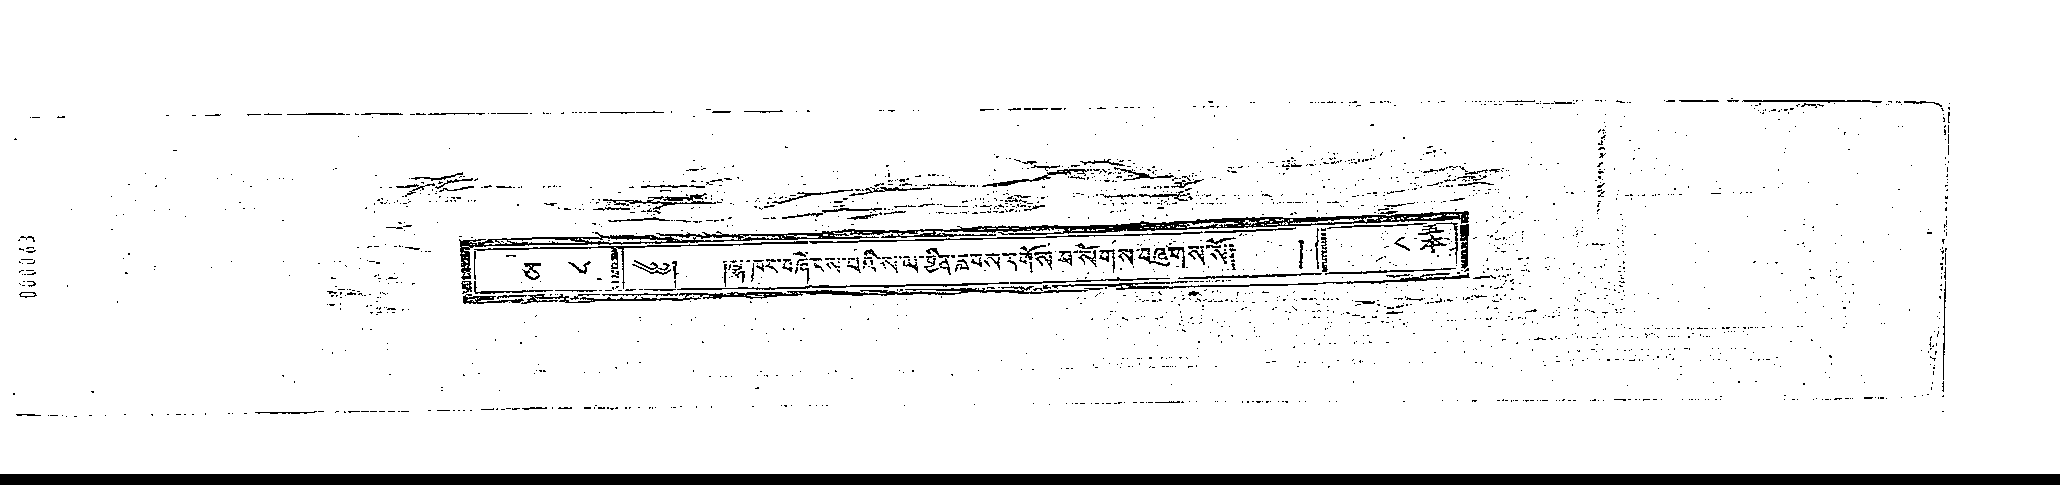ཏ྄
ཅ ༦་༄༅། །ལྷ་ཁང་བཞེངས་པའི་ས་ལ་བྱིན་རླབས་དགོས་པ་སོགས་བཞུགས་སོ། ། ༨